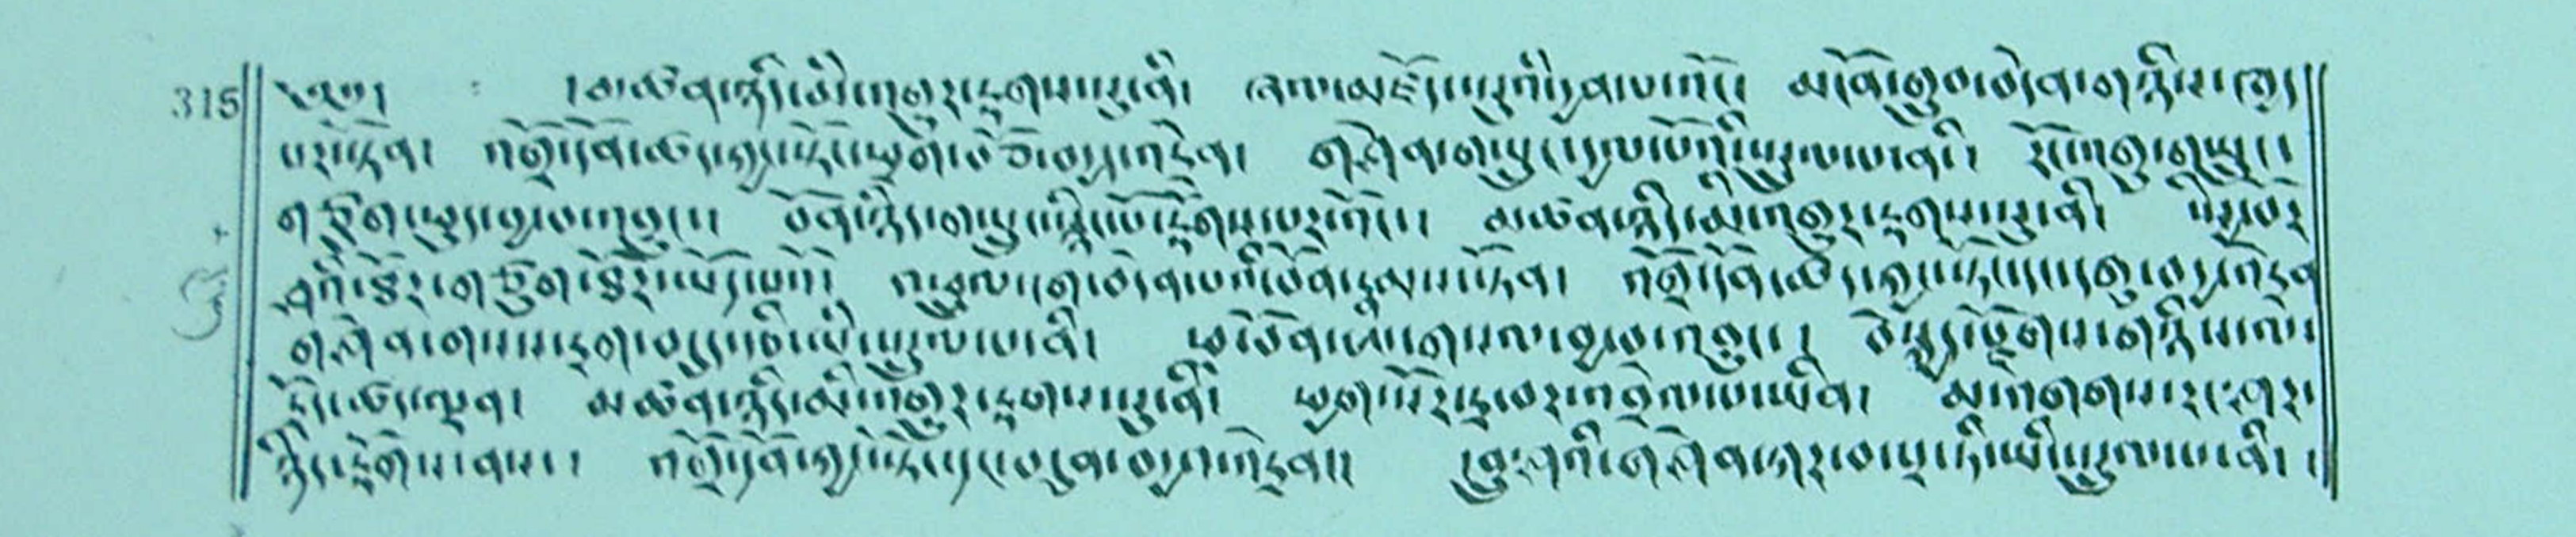༄༅། །མཚན་ཉིད་མི་འགྱུར་རྟགས་སུ་ནི། ཞལ་མཛོད་སྤུ་ཡིས་བརྒྱན་པ་འོང་། མངོན་གྲུབ་བདེན་གཉིས་ཁྱད་
པར་སྟོན། འགྲོ་དོན་ཚད་ཀྱང་སྟང་ཕྲག་བཅོ་བརྒྱད་འདྲེན། གཤེན་གཡུང་དྲུང་རྒྱལ་པོའི་སྤྲུལ་པ་ནི། རོང་འགུ་གཡུང་དྲུང་
གཙུག་ཕུད་བྱ་བ་འབྱུང་། བོན་ཉིད་གཡུང་དྲུང་སྙིང་པོ་རྟོགས་པ་འོང་། མཚན་ཉིད་མི་འགྱུར་རྟགས་སུ་ནི། སྤྱི་བོར་
ཤ་ཡི་གཙུག་ཐོར་ཡོད་པའོ། འཕྲུལ་ངག་བདེན་པའི་བོན་རྣམས་སྟོན། འགྲོ་དོན་ཚད་ཀྱང་སྟོང་དང་དགུ་བརྒྱ་འདྲེན། 
གཤེན་གསས་གྲགས་བདུད་རྩི་ཡི་སྤྲུལ་པ་ནི། ཕྱྭ་བོན་ཨ་གསལ་བྱ་བ་འབྱུང་། བསྐྱེད་ཚོགས་གཉིས་ལ་
དྲོད་ཚད་ལྡན། མཚན་ཉིད་མི་འགྱུར་རྟགས་སུ་ནི། ཕྱག་སོར་དྲ་བར་འབྲེལ་པ་ཡིན། མ་འགག་རང་ཤར་
ཉིད་རྟོགས་ནས། འགྲོ་དོན་སྟོང་དང་དགུ་བརྒྱ་འདྲེན། བྲུ་ཤའི་གཤེན་གར་བ་པྲ་ཏི་ཡི་སྤྲུལ་པ་ནི།